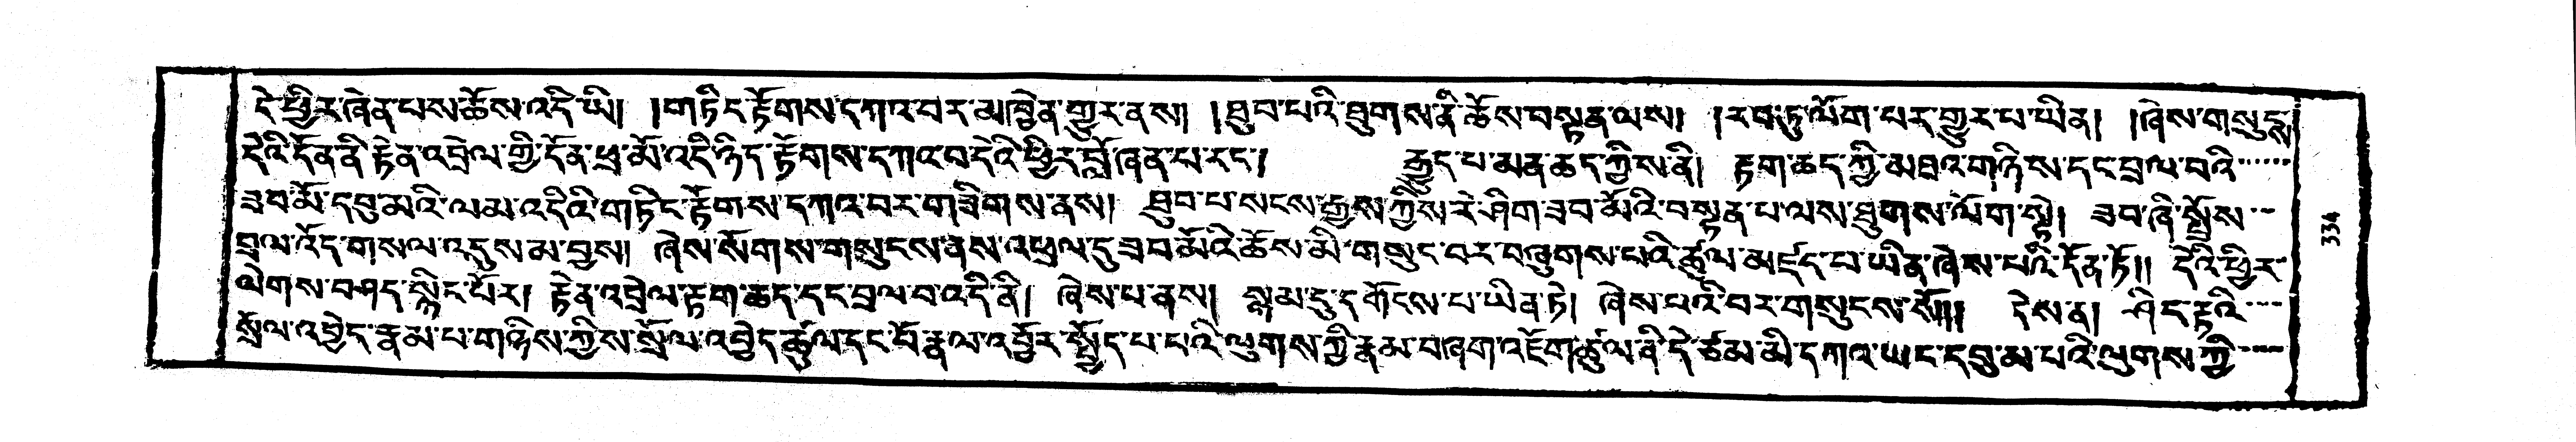དེ་ཕྱིར་ཞེན་པས་ཆོས་འདི་ཡི། །གཏིང་རྟོགས་དཀའ་བར་མཁྱེན་གྱུར་ནས། །ཐུབ་པའི་ཐུགས་ནི་ཆོས་བསྟན་ལས། །རབ་ཏུ་ལོག་པར་གྱུར་པ་ཡིན། །ཞེས་གསུངས་
དེའི་དོན་ནི་རྟེན་འབྲེལ་གྱི་དོན་ཕྲ་མོ་འདི་ཉིད་རྟོགས་དཀའ་བ་དེའི་ཕྱིར་བློ་ཞན་པ་རང་། རྒྱུད་པ་མན་ཆད་ཀྱིས་ནི། རྟག་ཆད་ཀྱི་མཐའ་གཉིས་དང་བྲལ་བའི་
ཟབ་མོ་དབུ་མའི་ལམ་འདིའི་གཏིང་རྟོགས་དཀའ་བར་གཟིགས་ནས། ཐུབ་པ་སངས་རྒྱས་ཀྱིས་རེ་ཤིག་ཟབ་མོའི་བསྟན་པ་ལས་ཐུགས་ལོག་སྟེ། ཟབ་ཞི་སྤྲོས་
བྲལ་འོད་གསལ་འདུས་མ་བྱས། ཞེས་སོགས་གསུངས་ནས་འཕྲལ་དུ་ཟབ་མོའི་ཆོས་མི་གསུང་བར་བཞུགས་པའི་ཚུལ་མཛད་པ་ཡིན་ཞེས་པའི་དོན་ཏོ། །དེའི་ཕྱིར་
ལེགས་བཤད་སྙིང་པོར། རྟེན་འབྲེལ་རྟག་ཆད་དང་བྲལ་བ་འདི་ནི། ཞེས་པ་ནས། སྙམ་དུ་དགོངས་པ་ཡིན་ཏེ། ཞེས་པའི་བར་གསུངས་སོ། །དེས་ན། ཤིང་རྟའི་
སྲོལ་འབྱེད་རྣམ་པ་གཉིས་ཀྱིས་སྲོལ་འབྱེད་ཚུལ་དང་པོ་རྣལ་འབྱོར་སྤྱོད་པ་པའི་ལུགས་ཀྱི་རྣམ་བཞག་འཇོག་ཚུལ་ནི་དེ་ཙམ་མི་དཀའ་ཡང་དབུ་མ་པའི་ལུགས་ཀྱི་